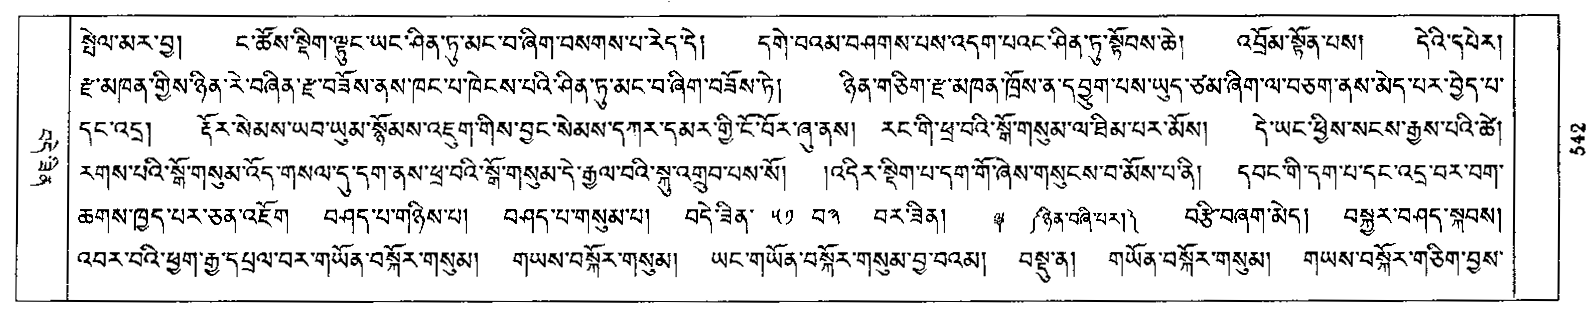སྤེལ་མར་བྱ། ང་ཚོས་སྡིག་ལྟུང་ཡང་ཤིན་ཏུ་མང་བ་ཞིག་བསགས་པ་རེད་དེ། དགེ་བའམ་བཤགས་པས་འདག་པའང་ཤིན་ཏུ་སྟོབས་ཆེ། འབྲོམ་སྟོན་པས། དེའི་དཔེར།
རྫ་མཁན་གྱིས་ཉིན་རེ་བཞིན་རྫ་བཟོས་ནས་ཁང་པ་ཁེངས་པའི་ཤིན་ཏུ་མང་བ་ཞིག་བཟོས་ཏེ། ཉིན་གཅིག་རྫ་མཁན་ཁྲོས་ན་དབྱུག་པས་ཡུད་ཙམ་ཞིག་ལ་བཅག་ནས་མེད་པར་བྱེད་པ་
དང་འདྲ། རྡོར་སེམས་ཡབ་ཡུམ་སྙོམས་འཇུག་གིས་བྱང་སེམས་དཀར་དམར་གྱི་ངོ་བོར་ཞུ་ནས། རང་གི་ཕྲ་བའི་སྒོ་གསུམ་ལ་ཐིམ་པར་མོས། དེ་ཡང་ཕྱིས་སངས་རྒྱས་པའི་ཚེ།
རགས་པའི་སྒོ་གསུམ་འོད་གསལ་དུ་དག་ནས་ཕྲ་བའི་སྒོ་གསུམ་དེ་རྒྱལ་བའི་སྐུ་འགྲུབ་པས་སོ། །འདིར་སྡིག་པ་དག་གོ་ཞེས་གསུངས་བ་མོས་པ་ནི། དབང་གི་དག་པ་དང་འདྲ་བར་བག་
ཆགས་ཁྱད་པར་ཅན་འཇོག་བཤད་པ་གཉིས་པ། བཤད་པ་གསུམ་པ། བདེ་ཟིན ༥༡་བ ༣་བར་ཟིན། ༈ ཉིན་བཞི་པར།?་བརྩི་བཞག་མེད། བསྐྱར་བཤད་སྐབས།
འབར་བའི་ཕྱག་རྒྱ་དཔྲལ་བར་གཡོན་བསྐོར་གསུམ། གཡས་བསྐོར་གསུམ། ཡང་གཡོན་བསྐོར་གསུམ་བྱ་བའམ། བསྡུ་ན། གཡོན་བསྐོར་གསུམ། གཡས་བསྐོར་གཅིག་བྱས་